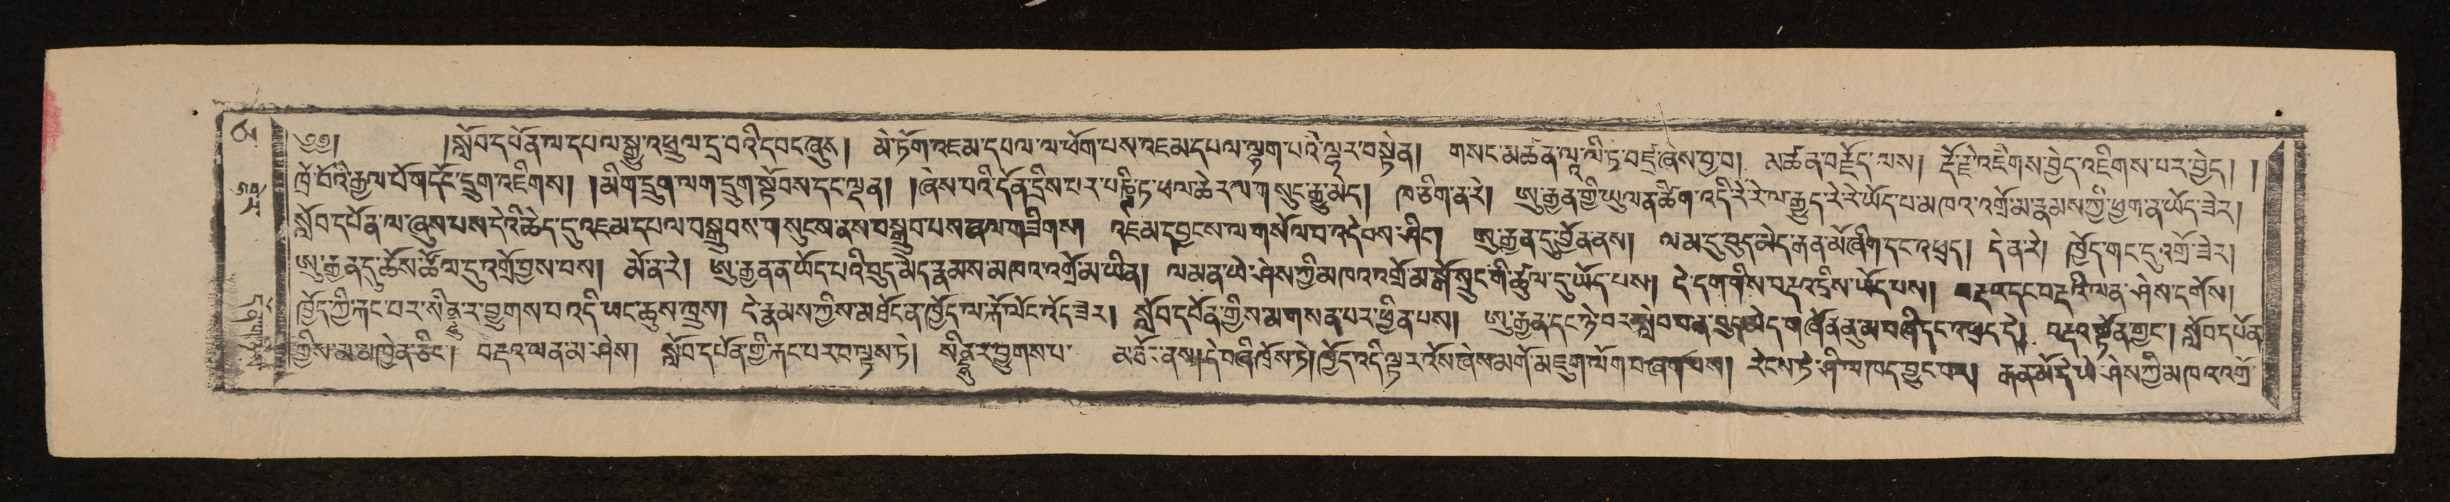༄༅། །སློབ་དཔོན་ལ་དཔལ་སྒྱུ་འཕྲུལ་དྲ་བའི་དབང་ཞུས། མེ་ཏོག་འཇམ་དཔལ་ལ་ཕོག་པས་འཇམ་དཔལ་ལྷག་པའི་ལྷར་བསྟེན། གསང་མཚན་ལཱ་ལིཏ་བཛྲ་ཞེས་བྱ་བ། མཚན་བརྗོད་ལས། རྡོ་རྗེ་འཇིགས་བྱེད་འཇིགས་པར་བྱེད། །
ཁྲོ་བོའི་རྒྱལ་པོ་གདོང་དྲུག་འཇིགས། །མིག་དྲུག་ལག་དྲུག་སྟོབས་དང་ལྡན། །ཞེས་པའི་དོན་དྲིས་པར་པཎྜི་ཏ་ཕལ་ཆེར་ལ་གསུང་རྒྱུ་མེད། ཁ་ཅིག་ན་རེ། ཨུ་རྒྱན་གྱི་ཡུལ་ན་ཚིག་འདི་རེ་རེ་ལ་རྒྱུད་རེ་རེ་ཡོད་པ་མཁའ་འགྲོ་མ་རྣམས་ཀྱི་ཕྱག་ན་ཡོད་ཟེར།
སློབ་དཔོན་ལ་ཞུས་པས་དེའི་ཆེད་དུ་འཇམ་དཔལ་བསྒྲུབས་གསུངས་ནས་བསྒྲུབ་པས་ཞལ་གཟིགས། འཇམ་དབྱངས་ལ་གསོལ་བ་འདེབས་ཤིང་། ཨུ་རྒྱན་དུ་བྱོན་ནས། ལམ་དུ་བུད་མེད་རྒན་མོ་ཞིག་དང་འཕྲད། དེ་ན་རེ། ཁྱོད་གང་དུ་འགྲོ་ཟེར།
ཨུ་རྒྱན་དུ་ཆོས་ཚོལ་དུ་འགྲོ་བྱས་པས། མོ་ན་རེ། ཨུ་རྒྱན་ན་ཡོད་པའི་བུད་མེད་རྣམས་མཁའ་འགྲོ་མ་ཡིན། ལམ་ན་ཡེ་ཤེས་ཀྱི་མཁའ་འགྲོ་མ་སྒོ་སྲུང་གི་ཚུལ་དུ་ཡོད་པས། དེ་དག་གིས་བརྡའ་དྲིས་ཡོད་བས། བརྡའ་དང་བརྡའི་ལན་ཤེས་དགོས།
ཁྱོད་ཀྱི་རྐང་པར་སིནྡྷུ་ར་བྱུགས་པ་འདི་ཡང་ཆུས་ཁྲུས། དེ་རྣམས་ཀྱིས་མཐོང་ན་ཁྱོད་ལ་རྐོ་ལོང་འོད་ཟེར། སློབ་དཔོན་གྱིས་མ་གསན་པར་ཕྱིན་པས། ཨུ་རྒྱན་དང་ཉེ་བར་སླེབ་པ་ན་བུད་མེད་གཞོན་ནུ་མ་བཞི་དང་འཕྲད་དེ། བརྡའ་སྟོན་ཀྱང་། སློབ་དཔོན་
གྱིས་མ་མཁྱེན་ཅིང་། བརྡའ་ལན་མ་ཤེས། སློབ་དཔོན་གྱི་རྐང་པར་བལྟས་ཏེ། སིནྡྷུར་བྱུགས་པ་མཐོང་ནས། དེ་བཞི་ཁྲོས་ཏེ། ཁྱོད་འདི་ལྟར་འོས་ཞེས་མགོ་མཇུག་ལོག་བཞག་པས། རེངས་ཏེ་ཤི་ལ་ཁད་བྱུང་བར། རྒན་མོ་དེ་ཡེ་ཤེས་ཀྱི་མཁའ་འགྲོ་